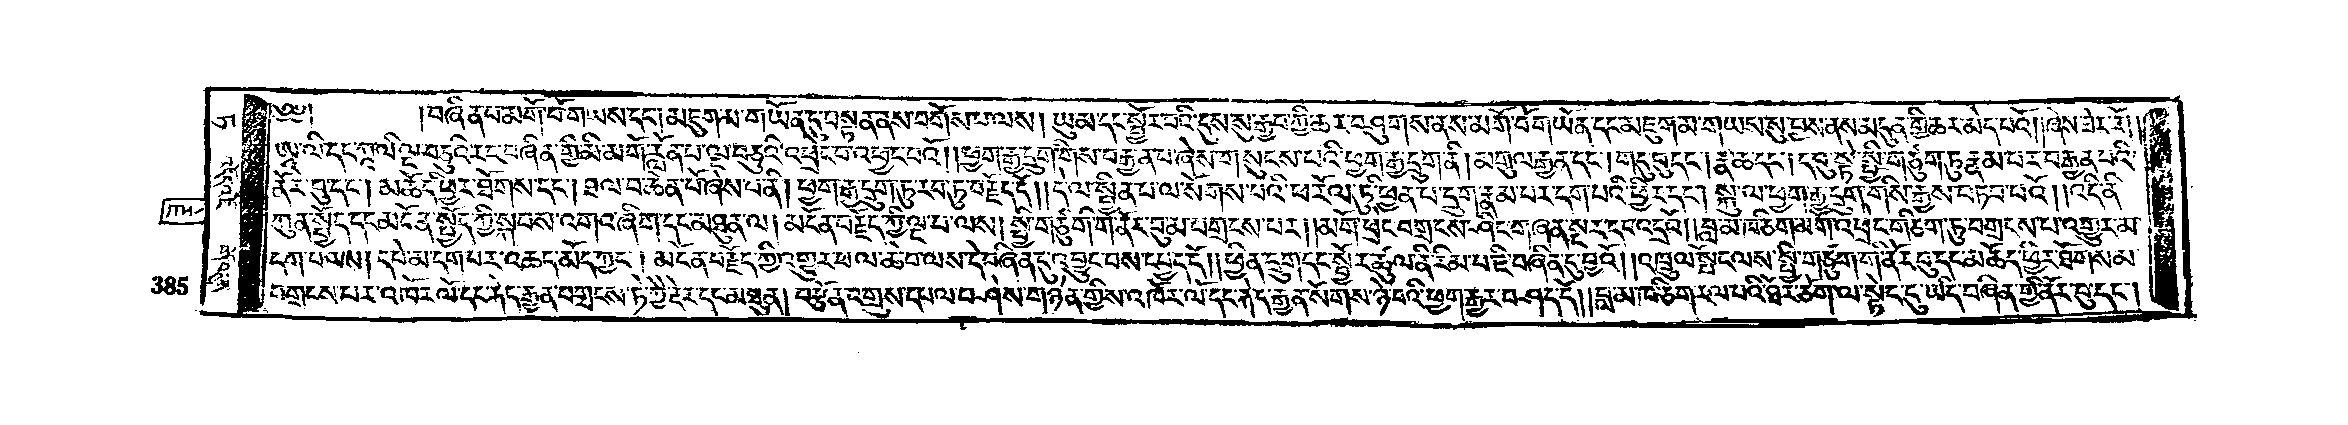༄༅། །བཞིན་པ་མགོ་བོ་གྱས་དང་། མཇུག་མ་གྱོན་དུ་བསྟན་ནས་བགོས་པ་ལས། ཡུམ་དང་སྦྱོར་བའི་དུས་སུ་རྒྱབ་ཀྱི་ཆར་བཤུགས་ནས་མགོ་བོ་གྱོན་དང་མཇུག་མ་གྱས་སུ་བྱས་ནས་མདུན་གྱི་ཆར་མེད་པའོ། །ཞེས་ཟེར་རོ། །
ཨཱ་ལི་དང་ཀཱ་ལི་ལྔ་བཅུའི་རང་བཞིན་གྱི་མི་མགོ་རློན་པ་ལྔ་བཅུའི་འཕྲེང་བ་འཕྱང་པའོ། །ཕྱག་རྒྱ་དྲུག་གིས་བརྒྱན་པ་ཞེས་གསུངས་པའི་ཕྱག་རྒྱ་དྲུག་ནི། མགུལ་རྒྱན་དང་། གདུ་བུ་དང་། རྣ་ཆ་དང་། དབུ་སྟེ་སྤྱི་གཙུག་ཏུ་རྣམ་པར་བརྒྱན་པའི་
ནོར་བུ་དང་། མཆོད་ཕྱིར་ཐོགས་དང་། ཐལ་བ་ཆེན་པོ་ཞེས་པ་ནི། ཕྱག་རྒྱ་དྲུག་ཏུ་རབ་ཏུ་བརྗོད་དོ། །དེ་ལ་སྦྱིན་པ་ལ་སོགས་པའི་ཕ་རོལ་ཏུ་ཕྱིན་པ་དྲུག་རྣམ་པར་དག་པའི་ཕྱིར་དང་། སྐུ་ལ་ཕྱག་རྒྱ་དྲུག་གིས་རྒྱས་བཏབ་པའོ། །འདི་ནི་
ཀུན་སྤྱོད་དང་མངོན་སྤྱོད་ཀྱི་སྐབས་འགའ་ཞིག་དང་མཐུན་ལ། མངོན་བརྗོད་ཀྱི་ལྔ་པ་ལས། སྤྱི་གཙུག་གི་ནོར་བུ་མ་བགྲངས་པར། །མགོ་ཕྲེང་བགྲངས་ཤིང་གཞན་སྔར་དང་འདྲའོ། །བླ་མ་ཁ་ཅིག་མགོ་འཕྲེང་གཅིག་ཏུ་བགྲངས་པ་འགྱུར་མ་
དག་པའམ། དཔེ་མ་དག་པར་འཆད་མོད་ཀྱང་། མངོན་བརྗོད་ཀྱི་འགྱུར་ཕལ་ཆེ་བ་ལས་དེ་བཞིན་དུ་འབྱུང་བས་དཔྱད་དོ། །ཕྱིན་དྲུག་དང་སྦྱོར་ཚུལ་ནི་རིམ་པ་ཇི་བཞིན་དུ་བྱའོ། །འཁྲུལ་སྤོང་ལས་སྤྱི་གཙུག་གི་ནོར་བུ་དང་མཆོད་ཕྱིར་ཐོགས་མ་
བགྲངས་པར་འཁོར་ལོ་དང་རྐེད་རྒྱན་བགྲངས་ཏེ་ཀྱཻ་རྡེར་དང་མཐུན། བརྩོན་འགྲུས་དཔལ་བཤེས་གཉེན་གྱིས་འཁོར་ལོ་དང་རྐེད་རྒྱན་སོགས་ཉེ་བའི་ཕྱག་རྒྱར་བཤད་དོ། །བླ་མ་ཁ་ཅིག་རལ་པའི་ཐོར་ཅོག་ལ་སྟེང་དུ་ཡིད་བཞིན་གྱི་ནོར་བུ་དང་།